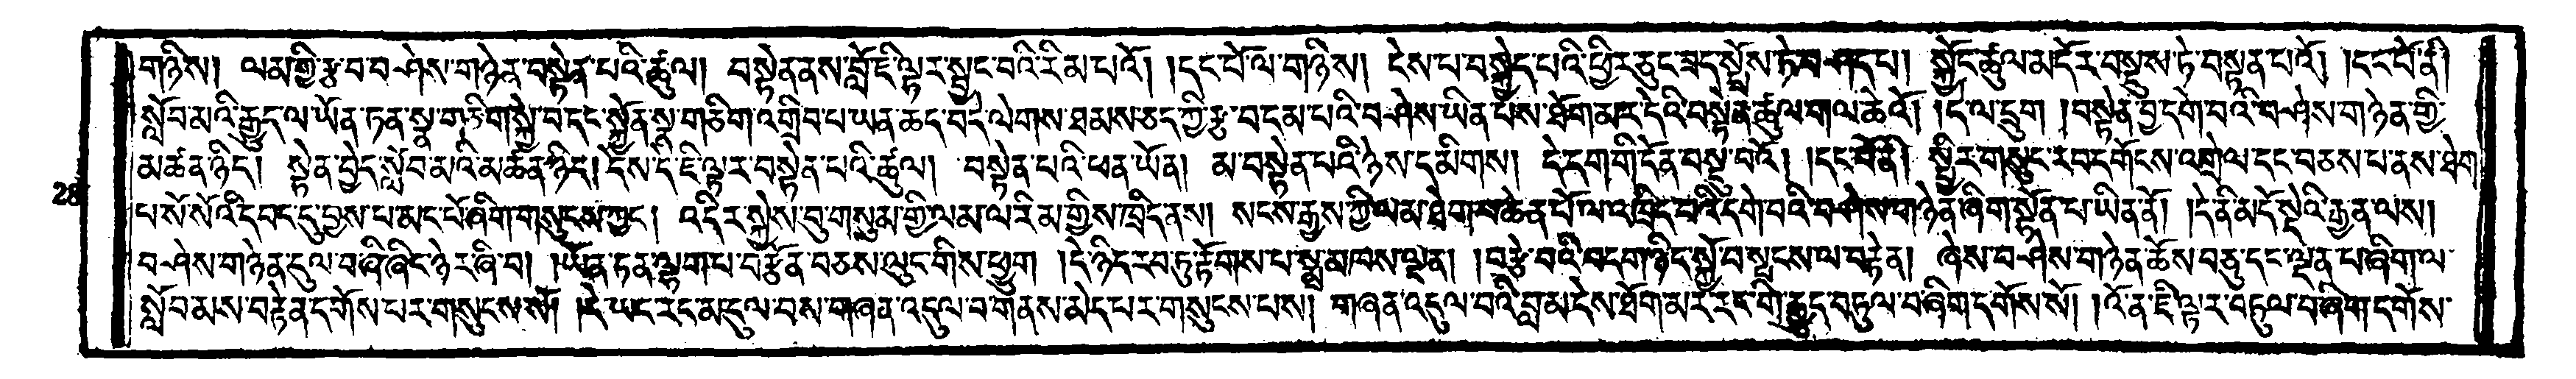གཉིས། ལམ་གྱི་རྩ་བ་བཤེས་གཉེན་བསྟེན་པའི་ཚུལ། བསྟེན་ནས་བློ་ཇི་ལྟར་སྦྱང་བའི་རིམ་པའོ། །དང་པོ་ལ་གཉིས། ངེས་པ་བསྐྱེད་པའི་ཕྱིར་ཅུང་ཟད་སྤྲོས་ཏེ་བཤད་པ། སྐྱོང་ཚུལ་མདོར་བསྡུས་ཏེ་བསྟན་པའོ། །དང་པོ་ནི།
སློབ་མའི་རྒྱུད་ལ་ཡོན་ཏན་སྣ་གཅིག་སྐྱེ་བ་དང་སྐྱོན་སྣ་གཅིག་འགྲིབ་པ་ཡན་ཆད་བདེ་ལེགས་ཐམས་ཅད་ཀྱི་རྩ་བ་དམ་པའི་བཤེས་ཡིན་པས་ཐོག་མར་དེའི་བསྟེན་ཚུལ་གལ་ཆེའོ། །དེ་ལ་དྲུག །བསྟེན་བྱ་དགེ་བའི་བཤེས་གཉེན་གྱི་
མཚན་ཉིད། སྟེན་བྱེད་སློབ་མའི་མཚན་ཉིད། དེས་དེ་ཇི་ལྟར་བསྟེན་པའི་ཚུལ། བསྟེན་པའི་ཕན་ཡོན། མ་བསྟེན་པའི་ཉེས་དམིགས། དེ་དག་གི་དོན་བསྡུ་བའོ། །དང་བོ་ནི། སྤྱིར་གསུང་རབ་དགོངས་འགྲེལ་དང་བཅས་པ་ནས་ཐེག་
པ་སོ་སོའི་དབང་དུ་བྱས་པ་མང་པོ་ཞིག་གསུངས་ཀྱང་། འདིར་སྐྱེས་བུ་གསུམ་གྱི་ལམ་ལ་རིམ་གྱིས་ཁྲིད་ནས། སངས་རྒྱས་ཀྱི་ལམ་ཐེག་པ་ཆེན་པོ་ལ་འཁྲིད་པའི་དགེ་བའི་བཤེས་གཉེན་ཞིག་སྟོན་པ་ཡིན་ནོ། །དེ་ནི་མདོ་སྡེའི་རྒྱན་ལས།
བཤེས་གཉེན་དུལ་བ་ཞི་ཞིང་ཉེར་ཞི་བ། །ཡོན་ཏན་ལྷག་པ་བརྩོན་བཅས་ལུང་གིས་ཕྱུག །དེ་ཉིད་རབ་ཏུ་རྟོགས་པ་སྨྲ་མཁས་ལྡན། །རྩེ་བའི་བདག་ཉིད་སྐྱོ་བ་སྤངས་ལ་བརྟེན། ཞེས་བཤེས་གཉེན་ཆོས་བཅུ་དང་ལྡན་པ་ཞིག་ལ་
སློབ་མས་བརྟེན་དགོས་པར་གསུངས་སོ། །དེ་ཡང་རང་མ་དུལ་བས་གཞན་འདུལ་བ་གནས་མེད་པར་གསུངས་པས། གཞན་འདུལ་བའི་བླ་མ་དེས་ཐོག་མར་རང་གི་རྒྱུད་བཏུལ་བ་ཞིག་དགོས་སོ། །འོ་ན་ཇི་ལྟར་བཏུལ་བ་ཞིག་དགོས་